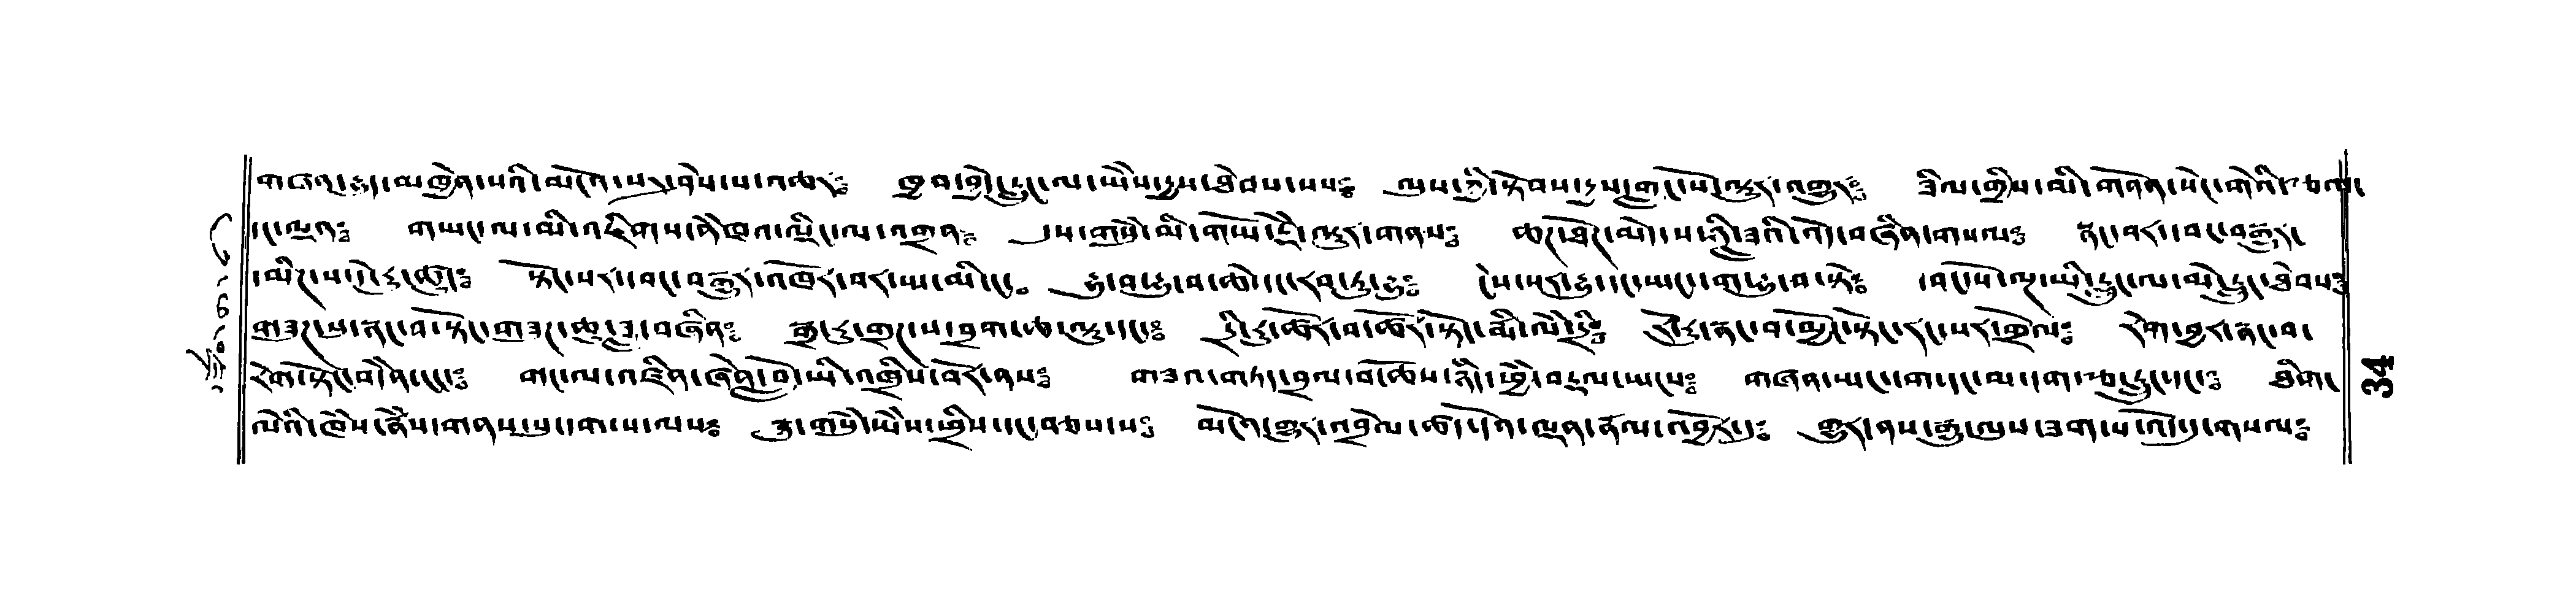གཞན་རྒྱུད་མཁྱེན་པའི་མངོན་པར་ཤེས་པ་འཆར༔ ཁྱབ་བྱེད་རླུང་ལ་ཡེ་ཤེས་རྒྱས་ཐེབས་པས༔ ལུས་ཀྱི་སྟོབས་རྒྱས་གླང་པོ་ལྟ་བུར་འགྱུར༔ ཟིལ་གྱིས་མི་གནོན་སེང་གེའི་རྩལ་
དང་ལྡན༔ གཡང་ལ་མི་འཇིགས་ནམ་མཁའ་ལྡིང་ལ་འགྲན༔ དུས་གསུམ་མི་གཡོ་རྡོ་རྗེ་ལྟ་བུར་གནས༔ ཆགས་ཐོགས་མེད་པ་ཉི་ཟླའི་འོད་བཞིན་གསལ༔ སྣང་བར་དབང་བསྒྱུར་
དམིགས་པ་དེ་རུ་ཚུད༔ སྟོང་པར་དབང་བསྒྱུར་འཁོར་བར་ཡ་མི་ང༔ རྒྱུ་བ་རྒྱུ་བ་ཆེ་དང་རབ་དུ་རྒྱུ༔ ངེས་པར་རྒྱུ་དང་ཡང་དག་རྒྱུ་བ་སྟེ༔ དབང་པོལྔ་ཡི་རླུང་ལ་མེ་རླུང་ཐེབས༔ 
གཟུགས་སུ་སྣང་བ་སྟོང་གཟུགས་ཆུ་ཟླ་བཞིན༔ སྒྲ་རུ་གྲགས་པ་བྲག་ཆ་ལྟ་བུ་དང༔ དྲི་རུ་ཚོར་བ་ཚོར་སྟོང་རྨི་ལམ་དྲི༔ རོ་རུ་སྣང་བ་མྱོང་སྟོང་རང་སར་གྲོལ༔ རེག་བྱར་སྣང་བ་
རེག་སྟོང་བདེ་ཆེན་ངང༔ གང་ལ་འཛིན་ཞེན་བློ་ཡི་འཁྲིས་བོར་ནས༔ གཟའ་གཏད་བྲལ་བ་ཆོས་ཉིད་ཕྱམ་བརྡལ་ཡངས༔ གཞན་ཡང་དག་དང་མ་དག་རྩ་རླུང་དང༔ ཐིག་
ལེའི་ཁམས་རྣམས་གནས་སུ་དག་པ་ལས༔ སྐུ་གསུམ་ཡེ་ཤེས་ཕྲིན་ལས་དང་བཅས་པ༔ མངོན་གྱུར་འབྲེལ་ཚད་དོན་ལྡན་རྣལ་འབྱོར་དུ༔ གྱུར་ནས་སྒྱུ་ལུས་ཟག་པ་འོད་དུ་གསལ༔